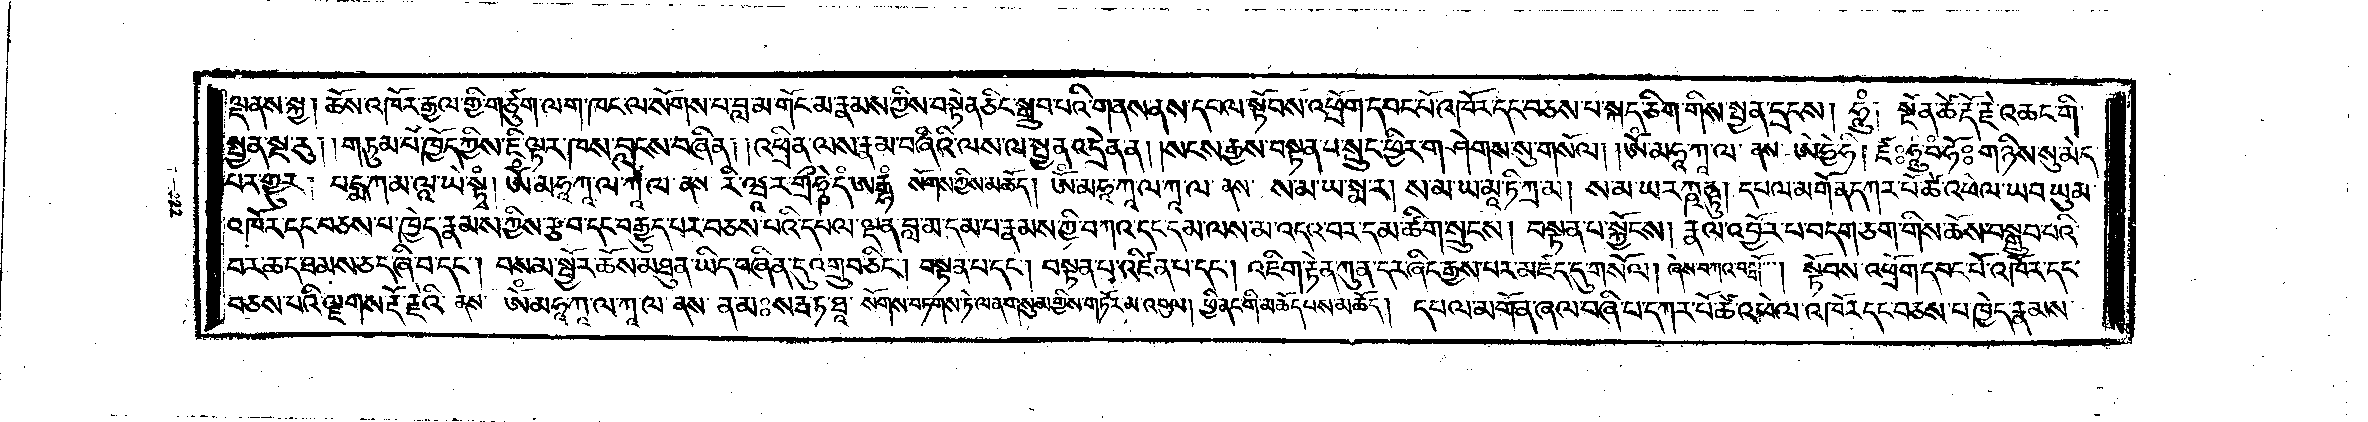ལྡན་ས་སྐྱ། ཆོས་འཁོར་རྒྱལ་གྱི་གཙུག་ལག་ཁང་ལ་སོགས་པ་བླ་མ་གོང་མ་རྣམས་ཀྱིས་བསྟེན་ཅིང་སྒྲུབ་པའི་གནས་ནས་དཔལ་སྟོབས་འཕྲོག་དབང་པོ་འཁོར་དང་བཅས་པ་སྐད་ཅིག་གིས་སྤྱན་དྲངས། ཧཱུཾ༑ སྔོན་ཚེ་རྡོ་རྗེ་འཆང་གི་
སྤྱན་སྔ་རུ། །གཏུམ་པོ་ཁྱོད་ཀྱིས་ཇི་ལྟར་ཁས་བླངས་བཞིན། །འཕྲིན་ལས་རྣམ་བཞིའི་ལས་ལ་སྤྱན་འདྲེན་ན། །སངས་རྒྱས་བསྟན་པ་སྲུང་ཕྱིར་གཤེགས་སུ་གསོལ། །ཨོཾ་མཧཱ་ཀཱ་ལ་ནས་ཨེ་ཧྱེ་ཧི། ཛཿཧཱུཾ་བཾ་ཧོཿ གཉིས་སུ་མེད་
པར་གྱུར། པདམ་ཀ་མ་ལཱ་ཡེ་སྟྭཾ། ཨོཾ་མྷཱ་ཀཱ་ལ་ཀཱ་ལ་ནས་རི་ཝཱ་ར་གྲྀཧྞེ་དཾ་ཨརྒྷཾ་སོགས་ཀྱིས་མཆོད། ཨོཾ་མཧཱ་ཀཱ་ལ་ཀཱ་ལ་ནས་ས་མ་ཡ་སྨ་ར། ས་མ་ཡ་མཱ་ཏི་ཀྲ་མ། ས་མ་ཡ་རཀྵནྟུ། དཔལ་མགོན་དཀར་པོ་ཚེ་འཕེལ་ཡབ་ཡུམ་
འཁོར་དང་བཅས་པ་ཁྱེད་རྣམས་ཀྱིས་རྩ་བ་དང་བརྒྱུད་པར་བཅས་པའི་དཔལ་ལྡན་བླ་མ་དམ་པ་རྣམས་ཀྱི་བཀའ་དང་དམ་ལས་མ་འདའ་བར་དམ་ཚིག་སྲུངས། བསྟན་པ་སྐྱོངས། རྣལ་འབྱོར་བ་བདག་ཅག་གིས་ཆོས་བསྒྲུབ་པའི་
བར་ཆད་ཐམས་ཅད་ཞི་བ་དང་། བསམ་སྦྱོར་ཆོས་མཐུན་ཡིད་བཞིན་དུ་འགྲུབ་ཅིང་། བསྟན་པ་དང་། བསྟན་པ་འཛིན་པ་དང་། འཇིག་རྟེན་ཀུན་དར་ཞིང་རྒྱས་པར་མཛད་དུ་གསོལ། ཞེས་བཀའ་བསྒོ།  སྟོབས་འཕྲོག་དབང་པོ་འཁོར་དང་
བཅས་པའི་ལྗགས་རྡོ་རྗེའི་ནས་ཨོཾ་མཧཱ་ཀཱ་ལ་ཀཱ་ལ་ནས་ན་མཿསརྦ་ཏ་ཐཱ་སོགས་བཏགས་ཏེ་ལན་གསུམ་གྱིས་གཏོར་མ་འབུལ། ཕྱི་ནང་གི་མཆོད་པས་མཆོད།  དཔལ་མགོན་ཞལ་བཞི་པ་དཀར་པོ་ཚེ་འཕེལ་འཁོར་དང་བཅས་པ་ཁྱེད་རྣམས་